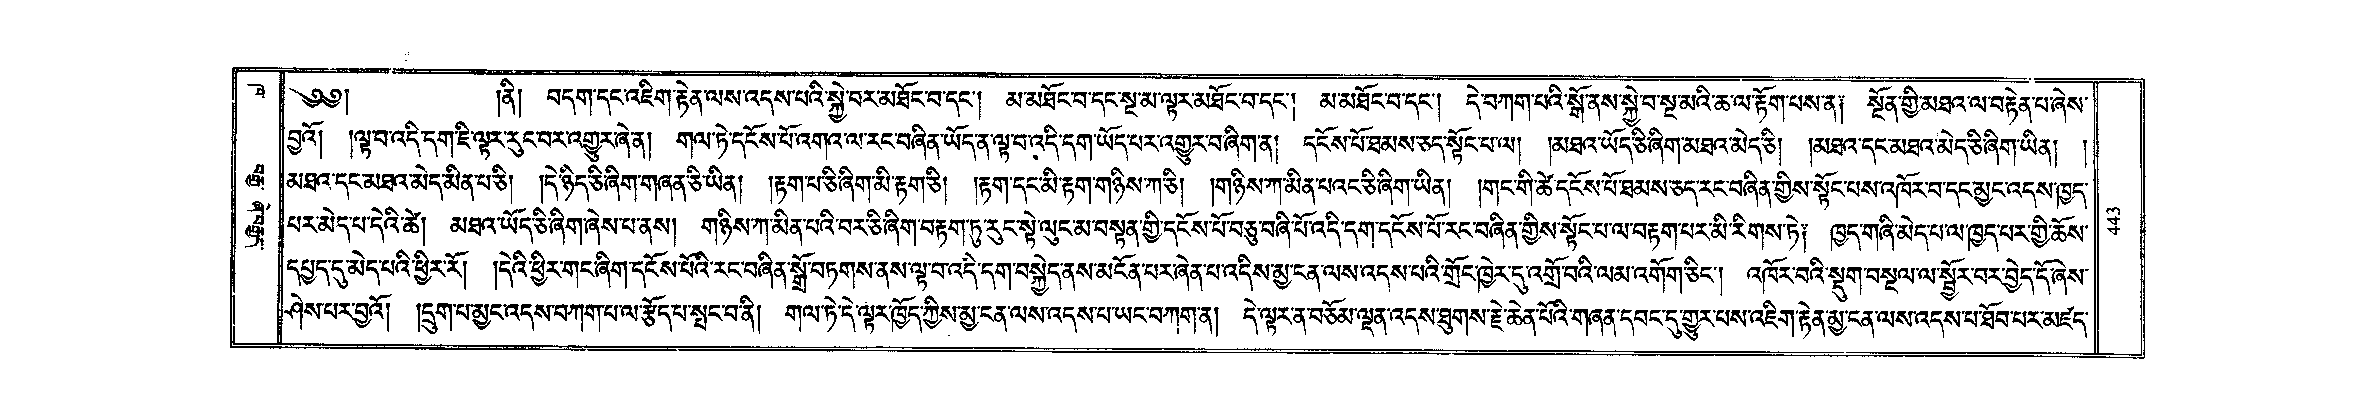༄༅། །ནི། བདག་དང་འཇིག་རྟེན་ལས་འདས་པའི་སྐྱེ་བར་མཐོང་བ་དང་། མ་མཐོང་བ་དང་སྔ་མ་ལྟར་མཐོང་བ་དང་། མ་མཐོང་བ་དང་། དེ་བཀག་པའི་སྒོ་ནས་སྐྱེ་བ་སྔ་མའི་ཆ་ལ་རྟོག་པས་ན། སྔོན་གྱི་མཐའ་ལ་བརྟེན་པ་ཞེས་
བྱའོ། །ལྟ་བ་འདི་དག་ཇི་ལྟར་རུང་བར་འགྱུར་ཞེ་ན། གལ་ཏེ་དངོས་པོ་འགའ་ལ་རང་བཞིན་ཡོད་ན་ལྟ་བ་འདི་དག་ཡོད་པར་འགྱུར་བ་ཞིག་ན། དངོས་པོ་ཐམས་ཅད་སྟོང་པ་ལ། །མཐའ་ཡོད་ཅི་ཞིག་མཐའ་མེད་ཅི། །མཐའ་དང་མཐའ་མེད་ཅི་ཞིག་ཡིན། །
མཐའ་དང་མཐའ་མེད་མིན་པ་ཅི། །དེ་ཉིད་ཅི་ཞིག་གཞན་ཅི་ཡིན། །རྟག་པ་ཅི་ཞིག་མི་རྟག་ཅི། །རྟག་དང་མི་རྟག་གཉིས་ཀ་ཅི། །གཉིས་ཀ་མིན་པའང་ཅི་ཞིག་ཡིན། །གང་གི་ཚེ་དངོས་པོ་ཐམས་ཅད་རང་བཞིན་གྱིས་སྟོང་པས་འཁོར་བ་དང་མྱང་འདས་ཁྱད་
པར་མེད་པ་དེའི་ཚེ། མཐའ་ཡོད་ཅི་ཞིག་ཞེས་པ་ནས། གཉིས་ཀ་མིན་པའི་བར་ཅི་ཞིག་བརྟག་ཏུ་རུང་སྟེ་ལུང་མ་བསྟན་གྱི་དངོས་པོ་བཅུ་བཞི་པོ་འདི་དག་དངོས་པོ་རང་བཞིན་གྱིས་སྟོང་པ་ལ་བརྟག་པར་མི་རིགས་ཏེ༑ ཁྱད་གཞི་མེད་པ་ལ་ཁྱད་པར་གྱི་ཆོས་
དཔྱད་དུ་མེད་པའི་ཕྱིར་རོ། །དེའི་ཕྱིར་གང་ཞིག་དངོས་པོའི་རང་བཞིན་སྒྲོ་བཏགས་ནས་ལྟ་བ་འདི་དག་བསྐྱེད་ནས་མངོན་པར་ཞེན་པ་འདིས་མྱ་ངན་ལས་འདས་པའི་གྲོང་ཁྱེར་དུ་འགྲོ་བའི་ལམ་འགོག་ཅིང་། འཁོར་བའི་སྡུག་བསྔལ་ལ་སྦྱོར་བར་བྱེད་དོ་ཞེས་
ཤེས་པར་བྱའོ། །དྲུག་པ་མྱང་འདས་བཀག་པ་ལ་རྩོད་པ་སྤང་བ་ནི། གལ་ཏེ་དེ་ལྟར་ཁྱོད་ཀྱིས་མྱ་ངན་ལས་འདས་པ་ཡང་བཀག་ན། དེ་ལྟར་ན་བཅོམ་ལྡན་འདས་ཐུགས་རྗེ་ཆེན་པོའི་གཞན་དབང་དུ་གྱུར་པས་འཇིག་རྟེན་མྱ་ངན་ལས་འདས་པ་ཐོབ་པར་མཛད་